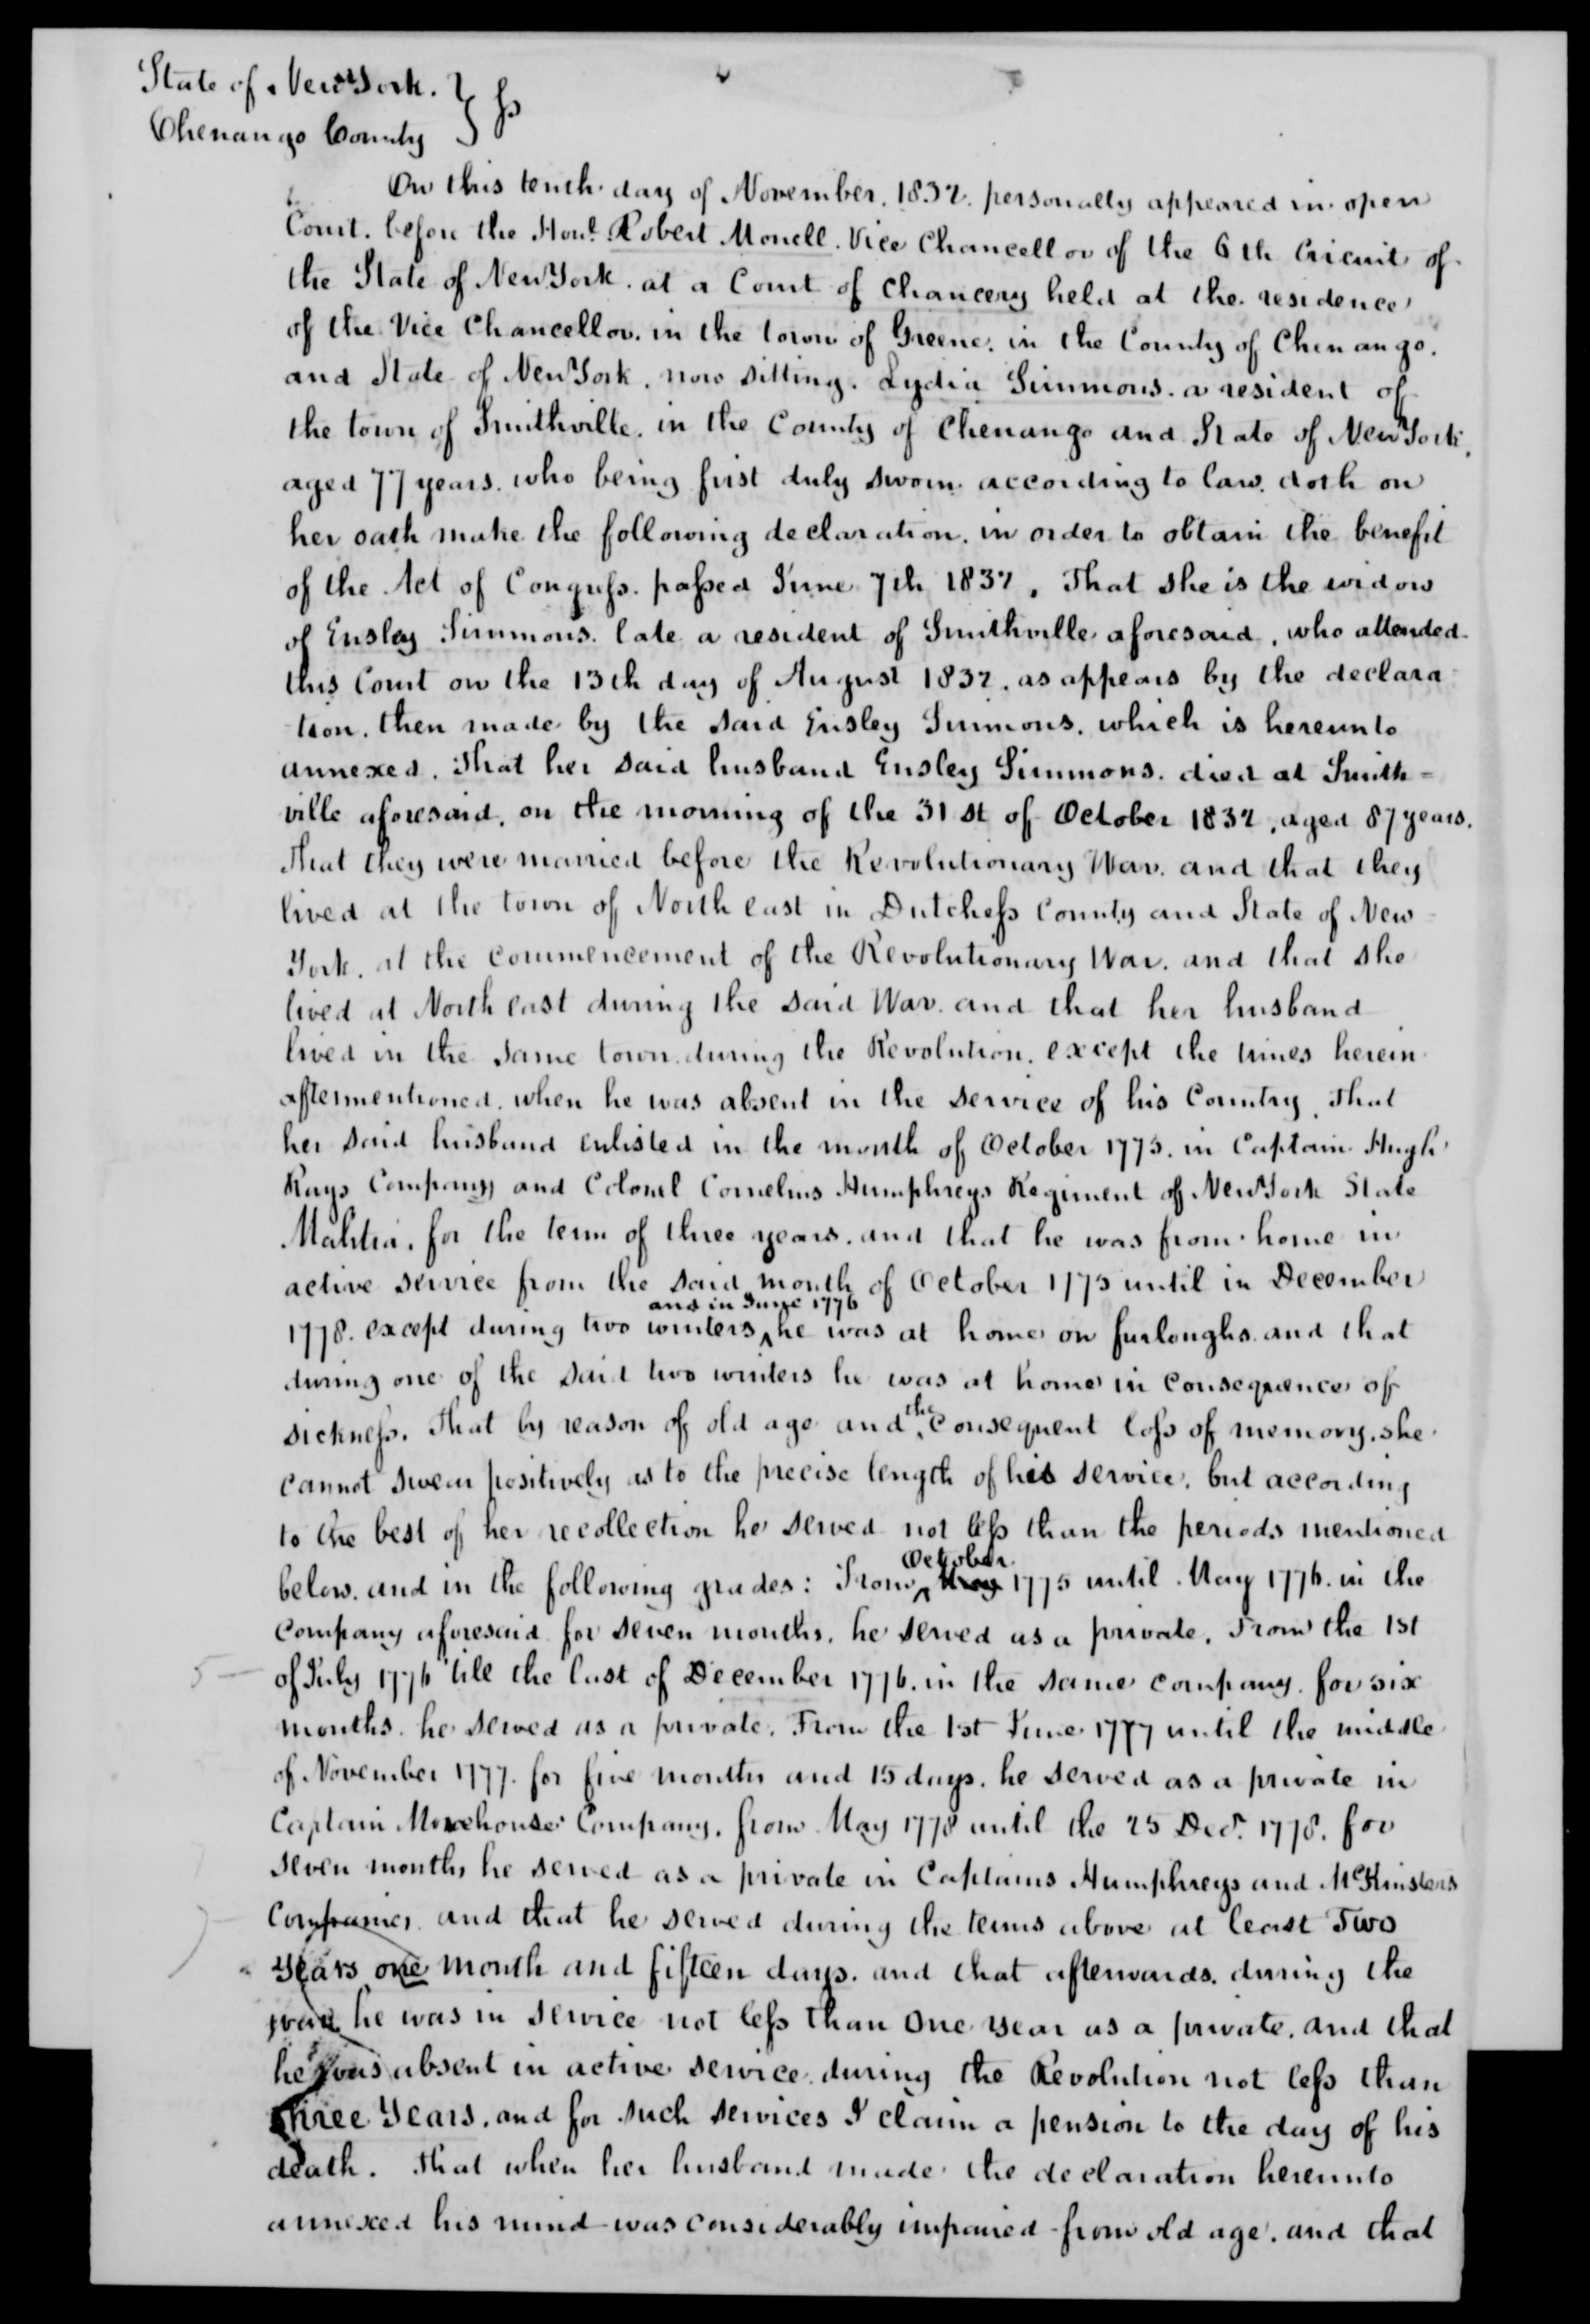State of New York ⎬
Chenango County ⎬
On this tenth day of November 1832 personally appeared in open
Court, before the Hon. Robert Morrell, Vice Chancellor of the 6th Circuit of
the State of New York at a Court of Chancery held at the residence
of the Vice Chancellor, in the town of Greene in the County of Chenango,
and State of New York now sitting.
 Lydia Simmons a resident of
the town of Smithville, in the County of Chenango and State of New York,
aged 77 years who being first duly sworn according to law doth on
her oath make the following declaration, in order to obtain the benefit
of the Act of Congress passed June 7th 1832. That she is the widow of Ensley Simmons late a resident of Smithville aforesaid, who attended
this Court on the 13th day of August 1832, as appears by the declara
tion, then made by the said Ensley Simmons which is hereunto
annexed. That her said husband Ensley Simmons, died at Smithville
aforesaid, on the morning of the 31st of October 1832, aged 87 years
That they were married before the Revolutionary War, and that they
lived at the town of North East in Dutchefs County and State of New York
, at the commencement of the Revolutionary War, and that she
lived at North East during the said War and that her husband
lived in the same town, during the Revolution, except the times herein
aftermentioned, when he was absent in the service of his country that
her said husband enlisted in the month of October 1775 in Captain Hugh
Rays Company and Colonel Cornelius Humphreys Regiment of New York State
Martia for the term of three years, and that he was from home in
active service from the said month of October 1775 until in December 1778
except during two winters and in [illegible] 1776  he was at home on furloughs and that
during one of the said two winters he was at home in consequence of
sickness. That by reason of old age and the consequent loss of memory she
cannot swear positively as to the precise length of his service, but according to
the best of her recollection he served not less than the periods mentioned
below and in the following grades:
 From October 1775 until May 1776 in the
company aforesaid for seven months, he served as a private. From the 1st
of July 1776 till the last of December 1776. in the same company for six
months he served as a private. From the 1st June 1777 until the middle
of November 1777 for five months and 15 days he served as a private in
Captain Morehouse Company.  from May 1778 until the 25 Dec. 1778. for
seven months he served as a private in Captain Humphrey and McHinsters
Companies, and that he served during the terms above at least Two
years one month and fifteen days, and that afterwards during the [illegible]
he was in service not less than one year as a private, and that
he was absent in active service during the Revolution not less than
three years and for such services I claim a pension to the day of his
death. That when her husband made the declaration hereunto
annexed his mind was considerably impaired from old age, and that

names: Ensley Simmons; Ensley Simmons; Lydia Simmons; Robert Morrell; Ensley Simmons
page: 4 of 29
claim: widow's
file: W. 19,032, for Ensley Simmons, New York